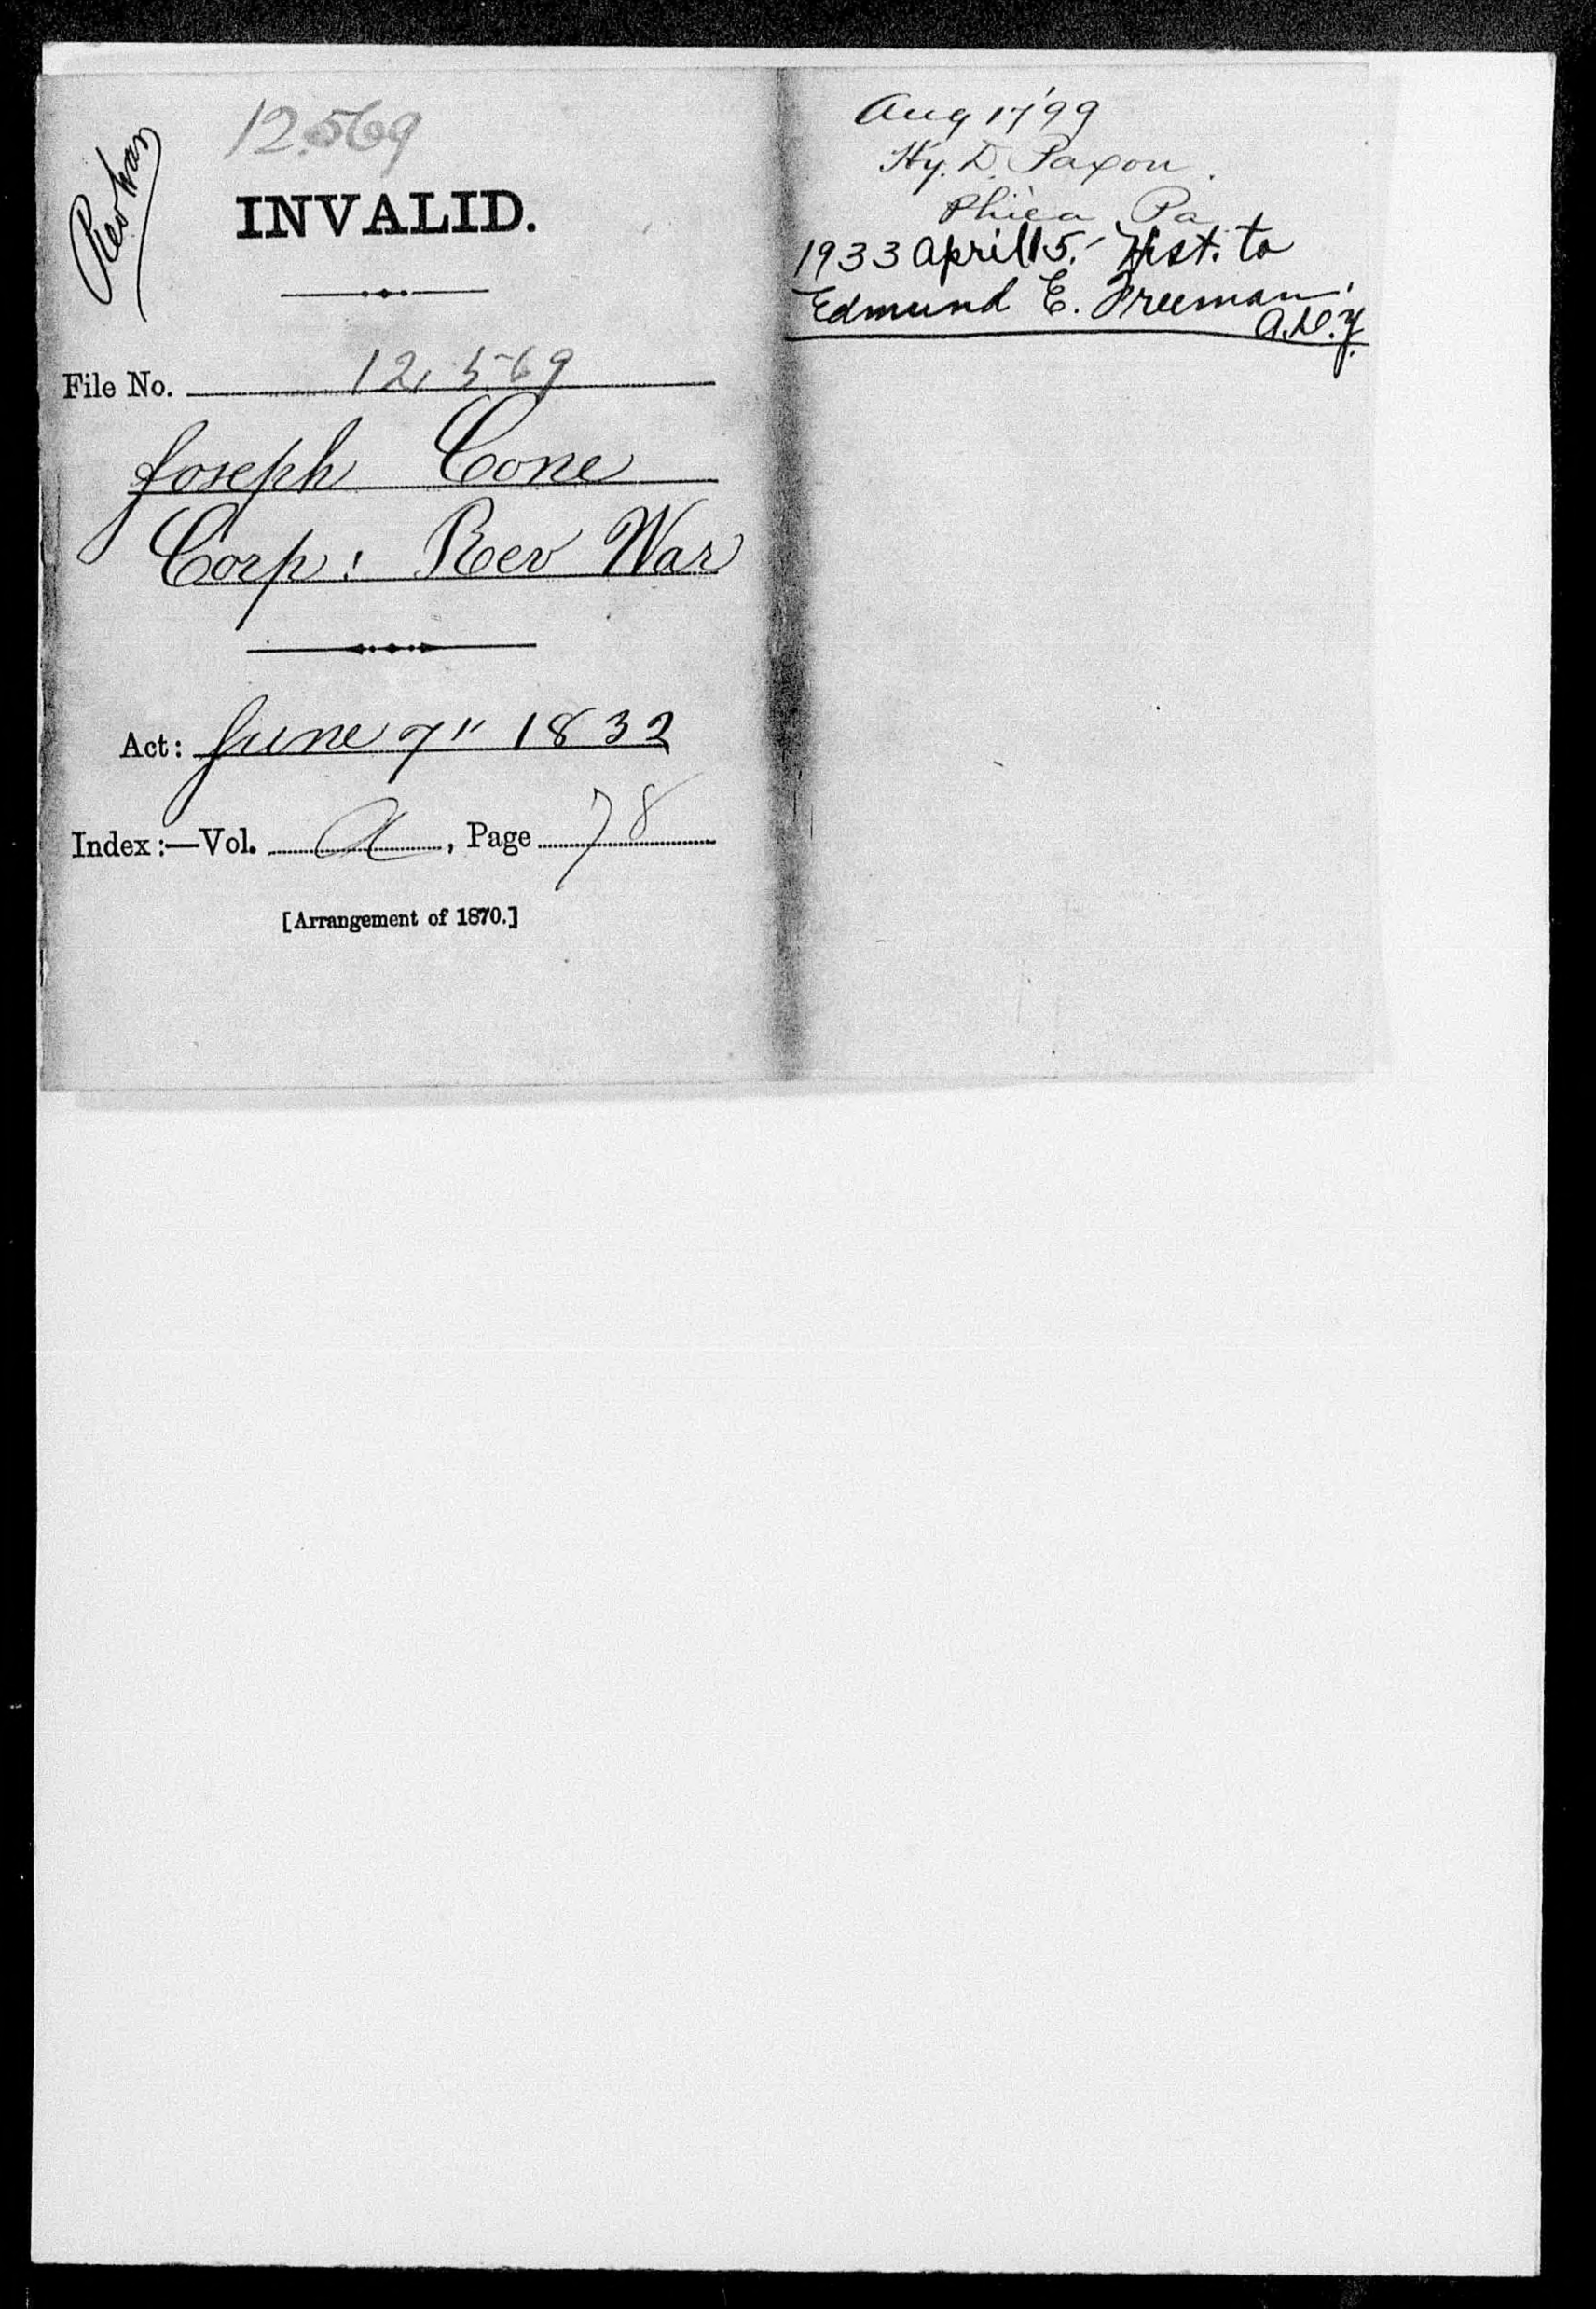12.569
Rev. War
INVALID.

File No. 12,569
Joseph Cone
Corp: Rev War

Act: June 7th 1832
Index:-Vol. A, Page 78

[Arrangement of 1870.]

[right page] Aug 17'99
H'y. D. Paxon
Phila Pa
1933 April 15. Hist. to
Edmund E. Freeman,
A. N. Y.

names: Edmund E Freeman, Joseph Cone, Hy D Paxon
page: 14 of 28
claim: survivor's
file: S. 12569, Joseph Cone, Conn Continental